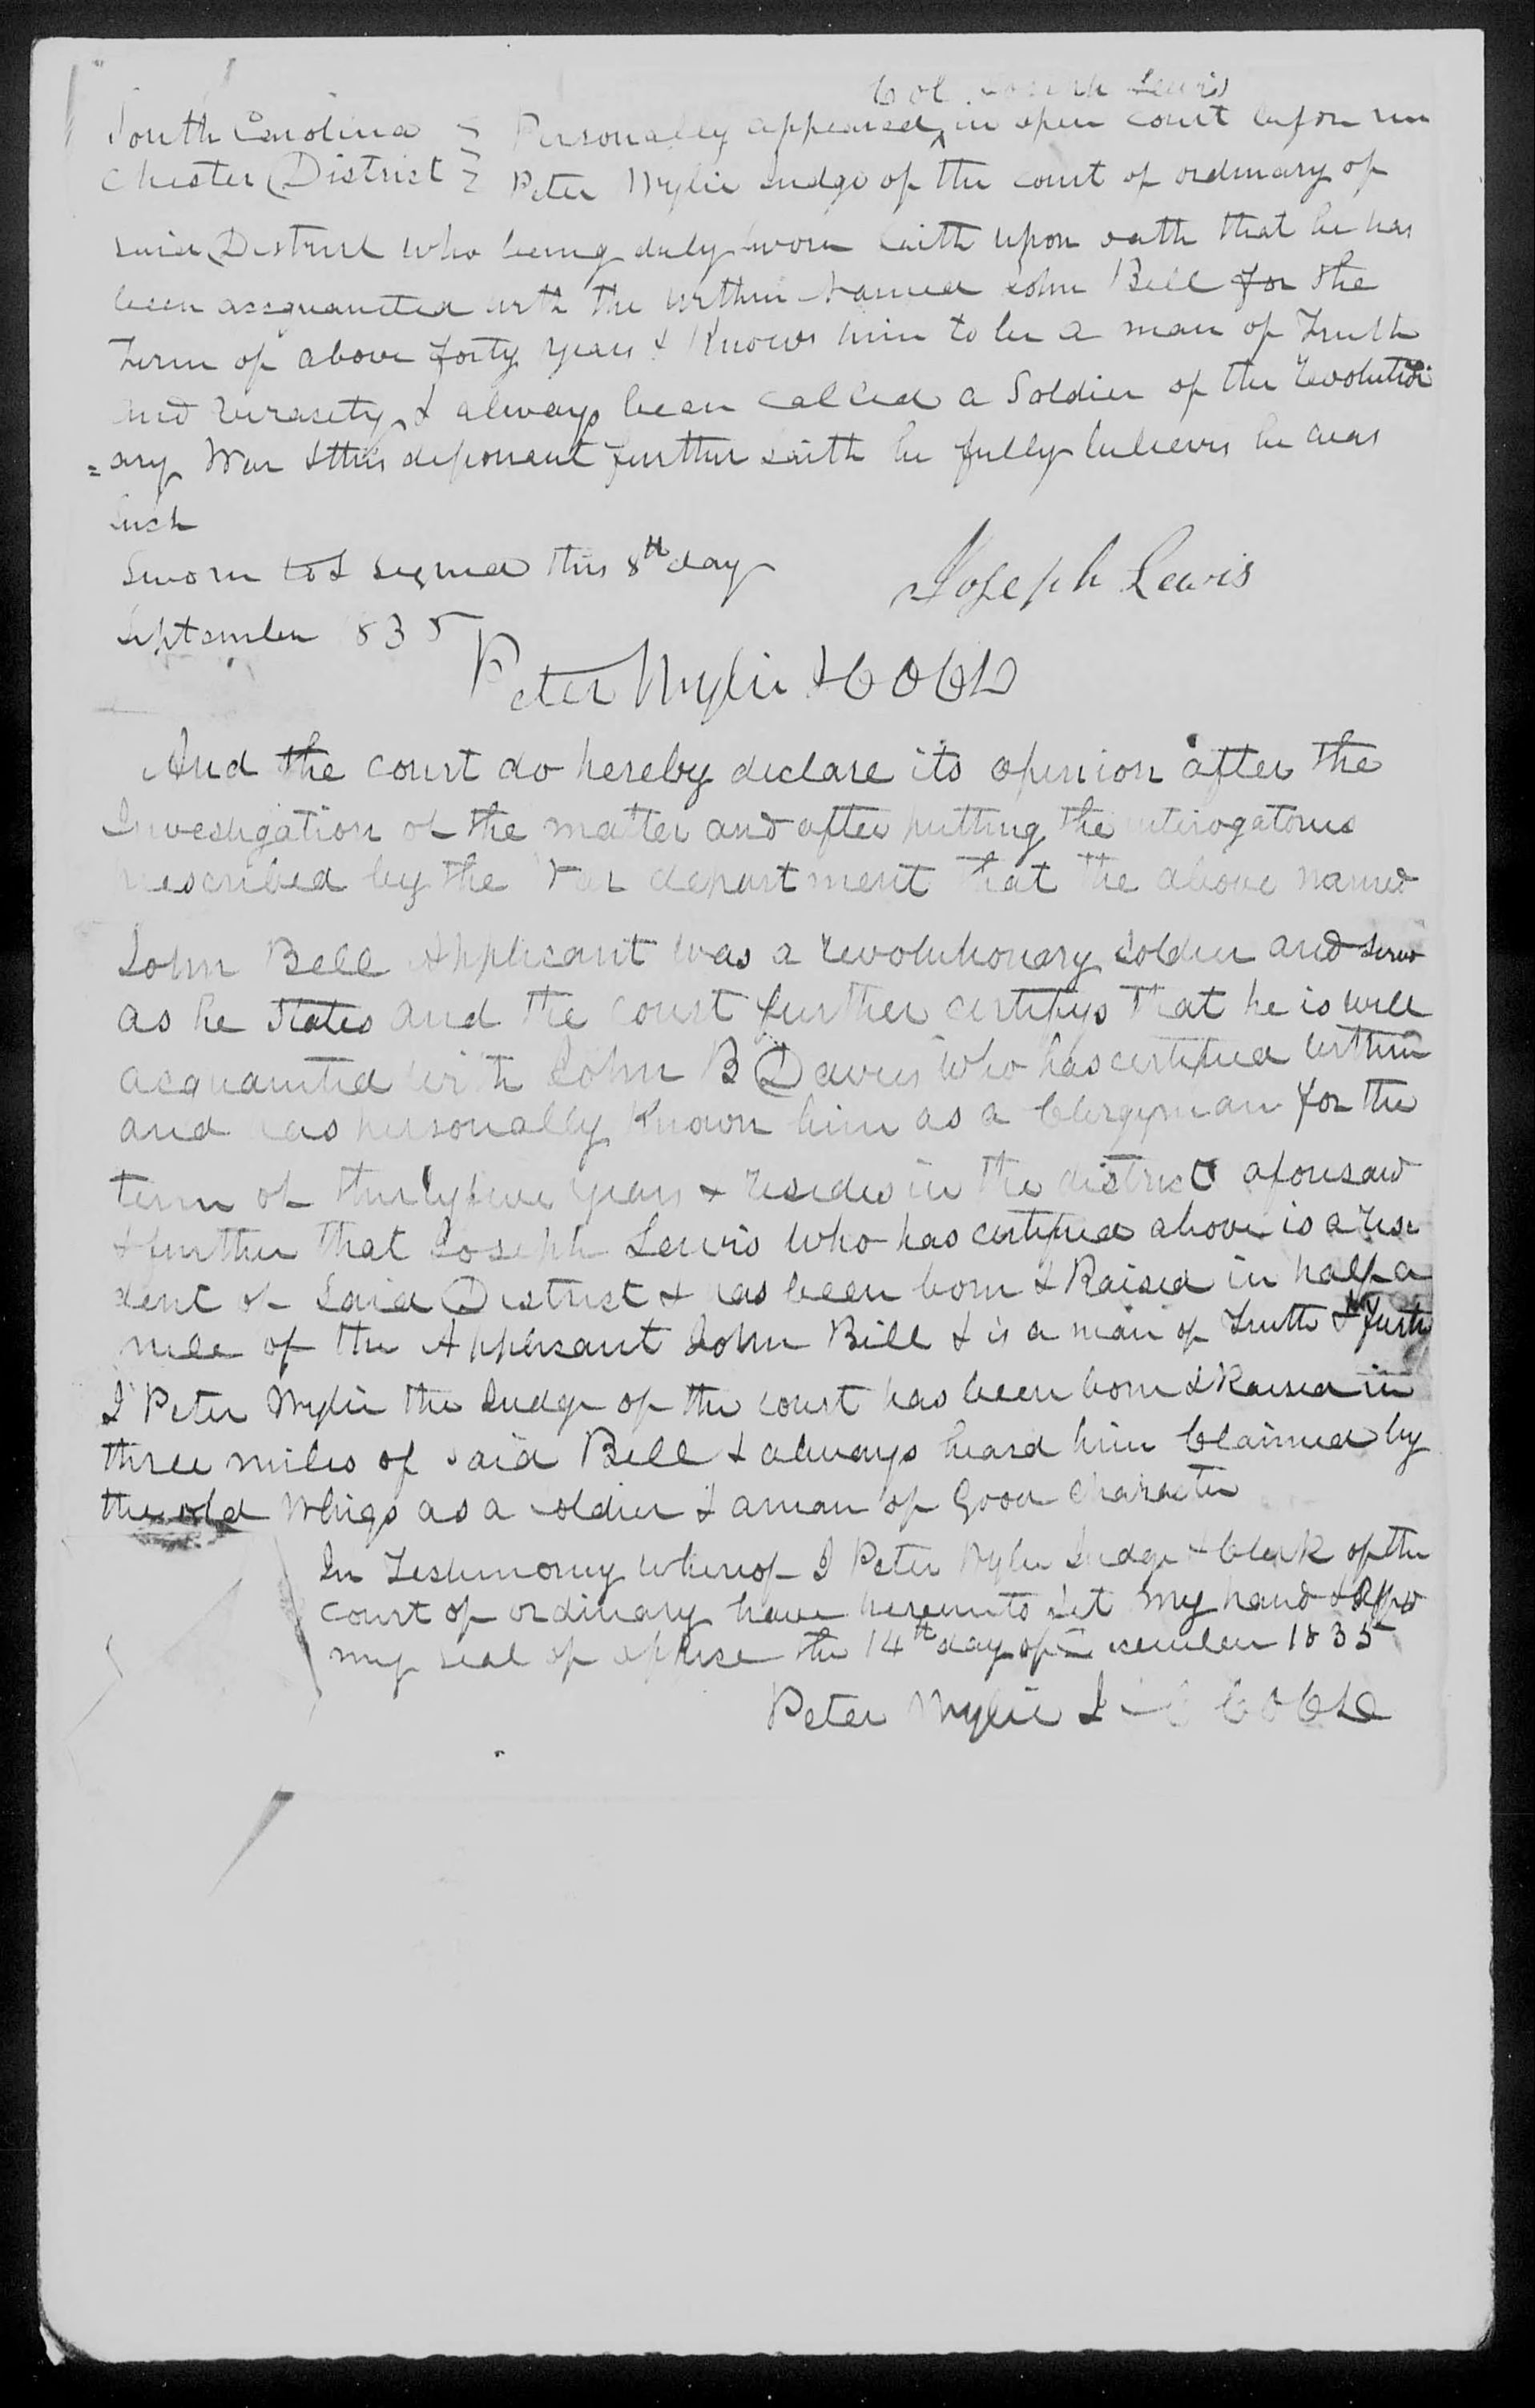[ South Carolina Chester District ] Personally appeared before me Col. Joseph Lewis in open Court in for said District who being duly sworn  saith upon oath that he has been acquainted with the within named John Bell for the term of above 40 years & knows him to be a man of truth and veracity & always been called a soldier of the Revolutionary War & this deponent further saith he fully believes he was such .  Joseph Lewis ( signed ) Sworn to & signed this 8th day of September 1835 Peter Wylie  ( signed ) J.C.O.C.D.  And the Court hereby declares its opinion after the investigation of the matter putting the interrogatories  subscribed by the War Department  that the above named John Bell applicant was a revolutionary soldier and served as he states ad the Court further certifies that he is well acquainted with John  B. D. Davis who has certified within has personally known him as a clergy man for the term of thirty five years & resided in the district aforesaid & further that Joseph Lewis who has certified above is resident of said district & has been born and raised within half a mile of the applicant John Bell & is a man of truth and justice.  I Peter Wylie the Judge of the Court has been born & raised in three miles of said Bell & always heard him claimed by the old Whigs as a solder & a man of good character. In testimony whereof I Peter Wylie Judge - Clerk of the Court of Ordinary have hereunto set my hand & this my seal of above  the 14th day of December 1835. Peter Wylie  ( signed / sealed )  J.C.O.C.D.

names: Joseph Lewis, John B Davies, Bell, John Bell, Peter Wylie, Peter Wylie, John Bell, Joseph Lewis, Peter Wylie, Peter Wylie, Joseph Lewis, John Bell, Peter Wylie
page: 6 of 23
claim: survivor's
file: S. 21068, John Bell, Ga. N. C. S. C.